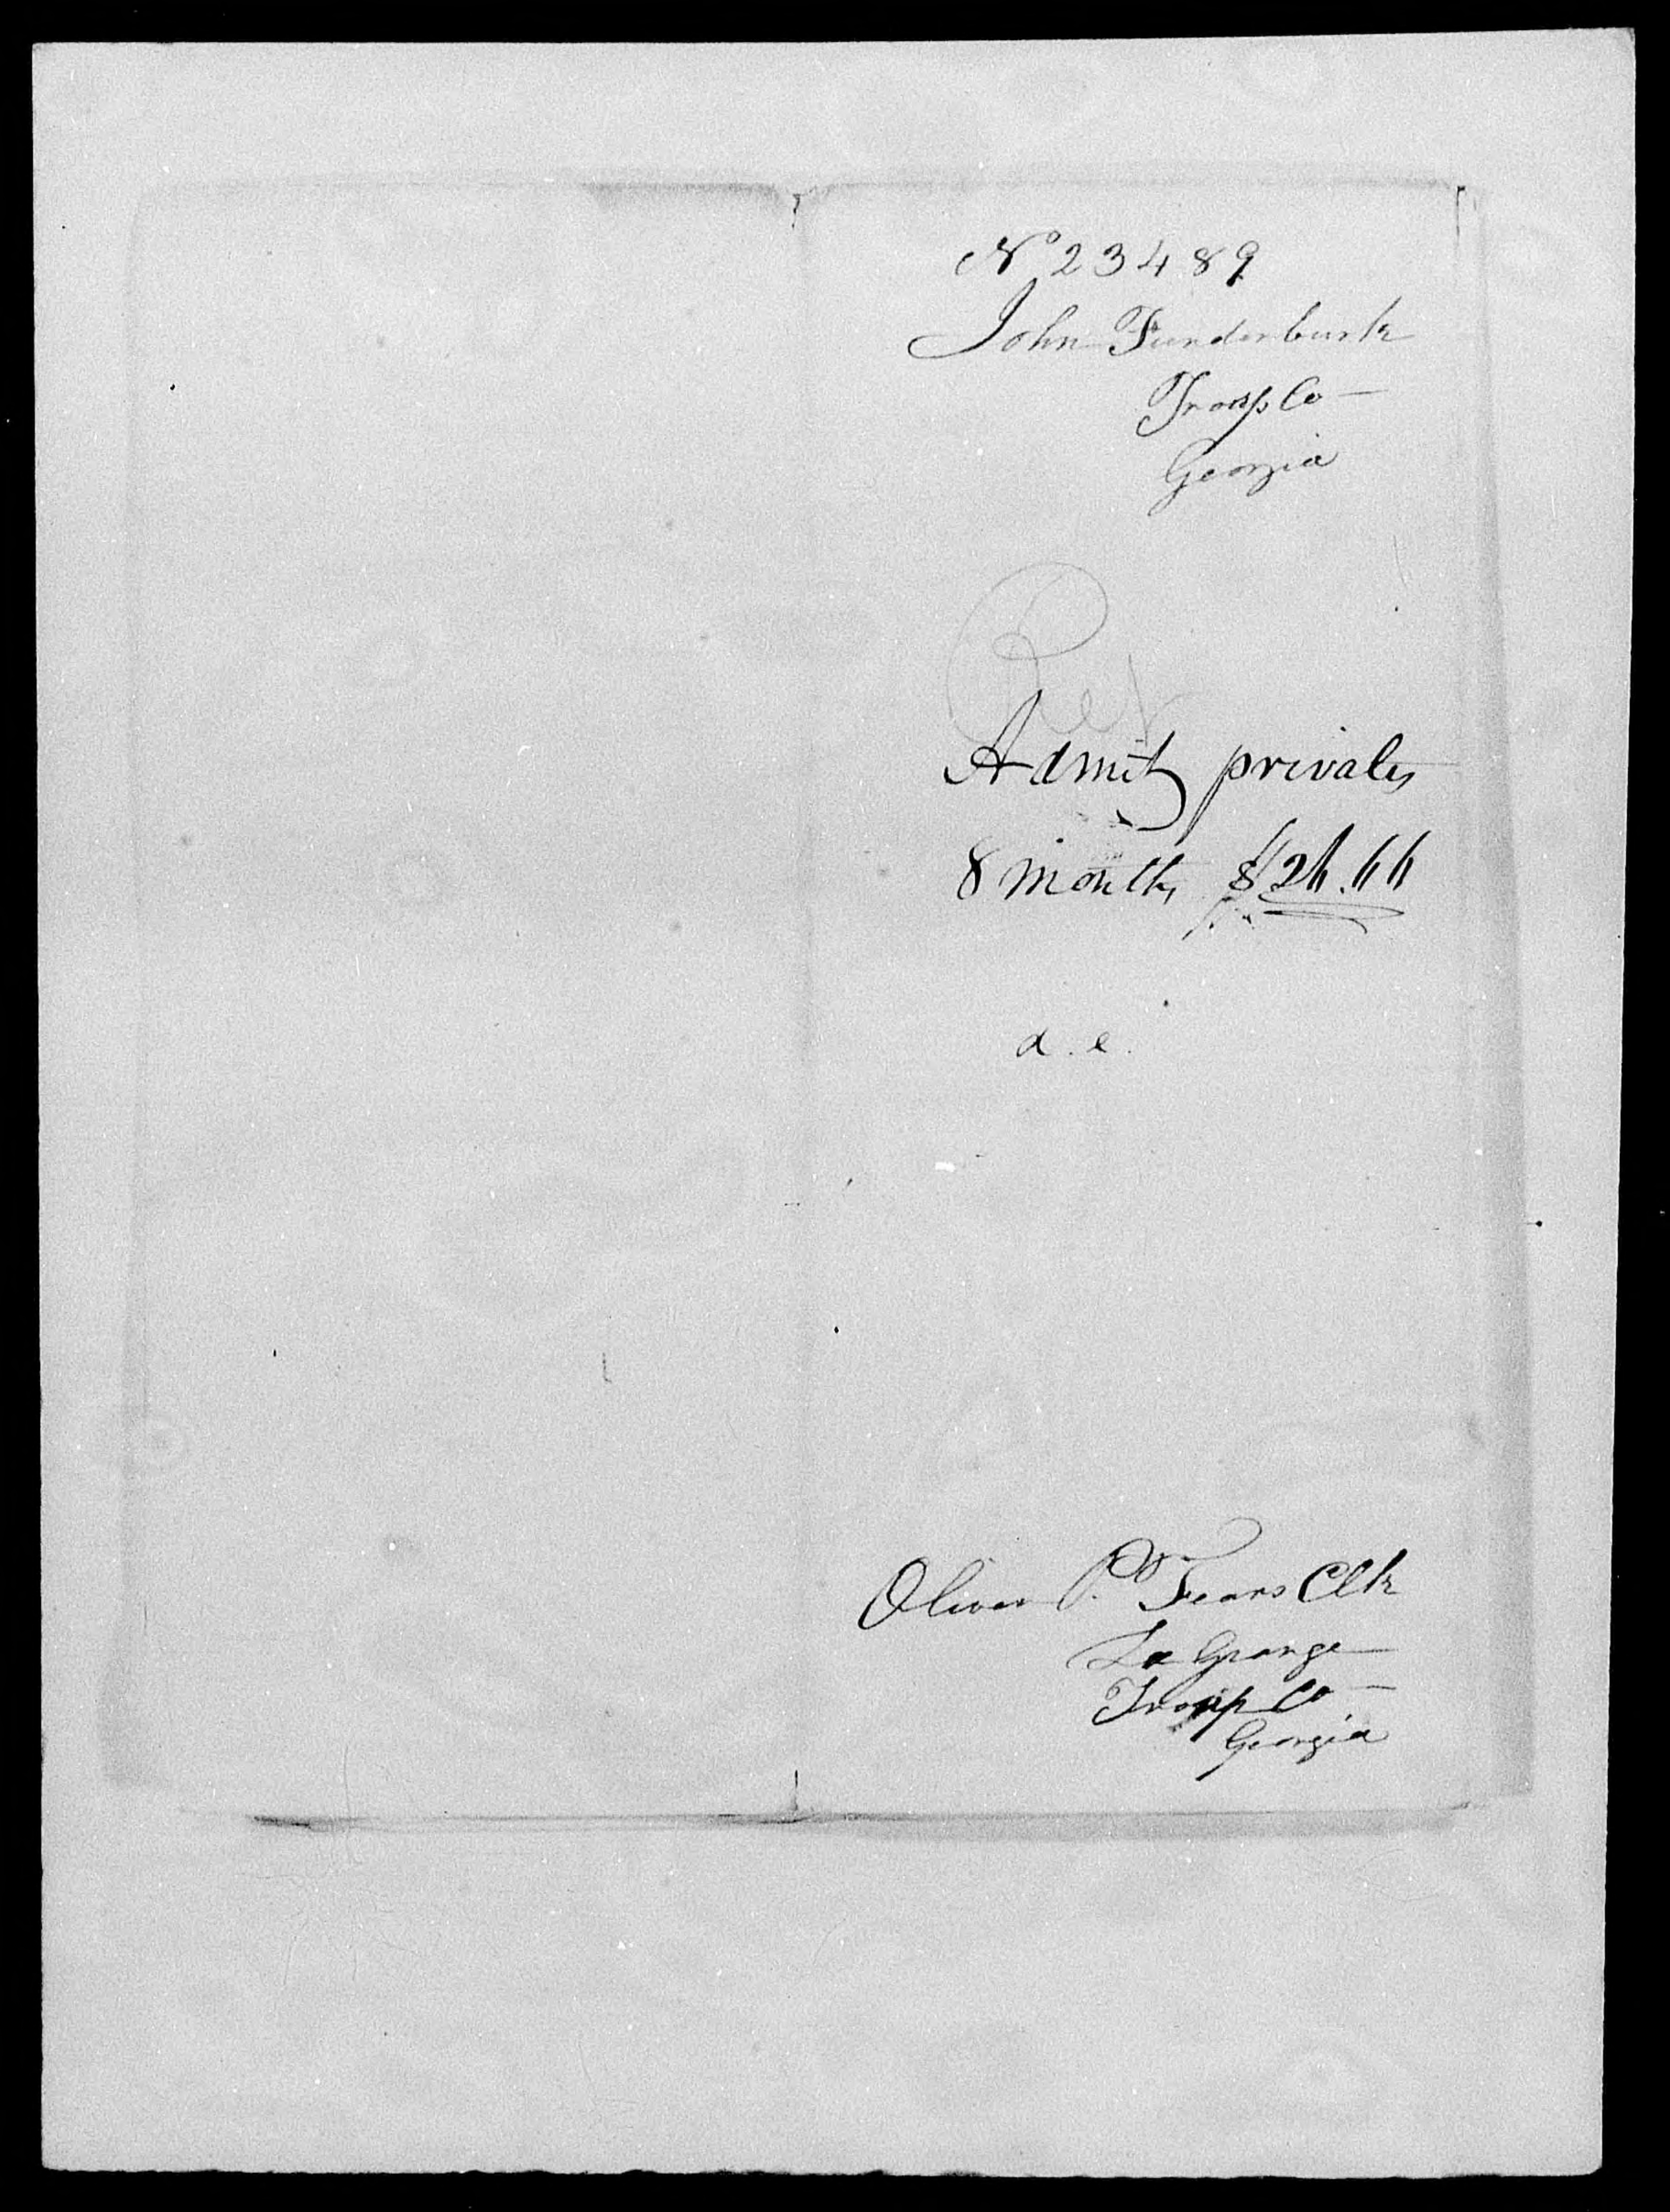No 23489
John Funderburk
Troup Co--
Georgia


Ret [in pencil, different hand]
Admit privates
8 months $26.66


a.e.





Oliver P. Fears Clk
La Grange
Troup Co
Georgia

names: Oliver P Fears, John Funderburk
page: 14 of 23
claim: survivor's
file: S. 31,682, John Funderbuck, S.C.